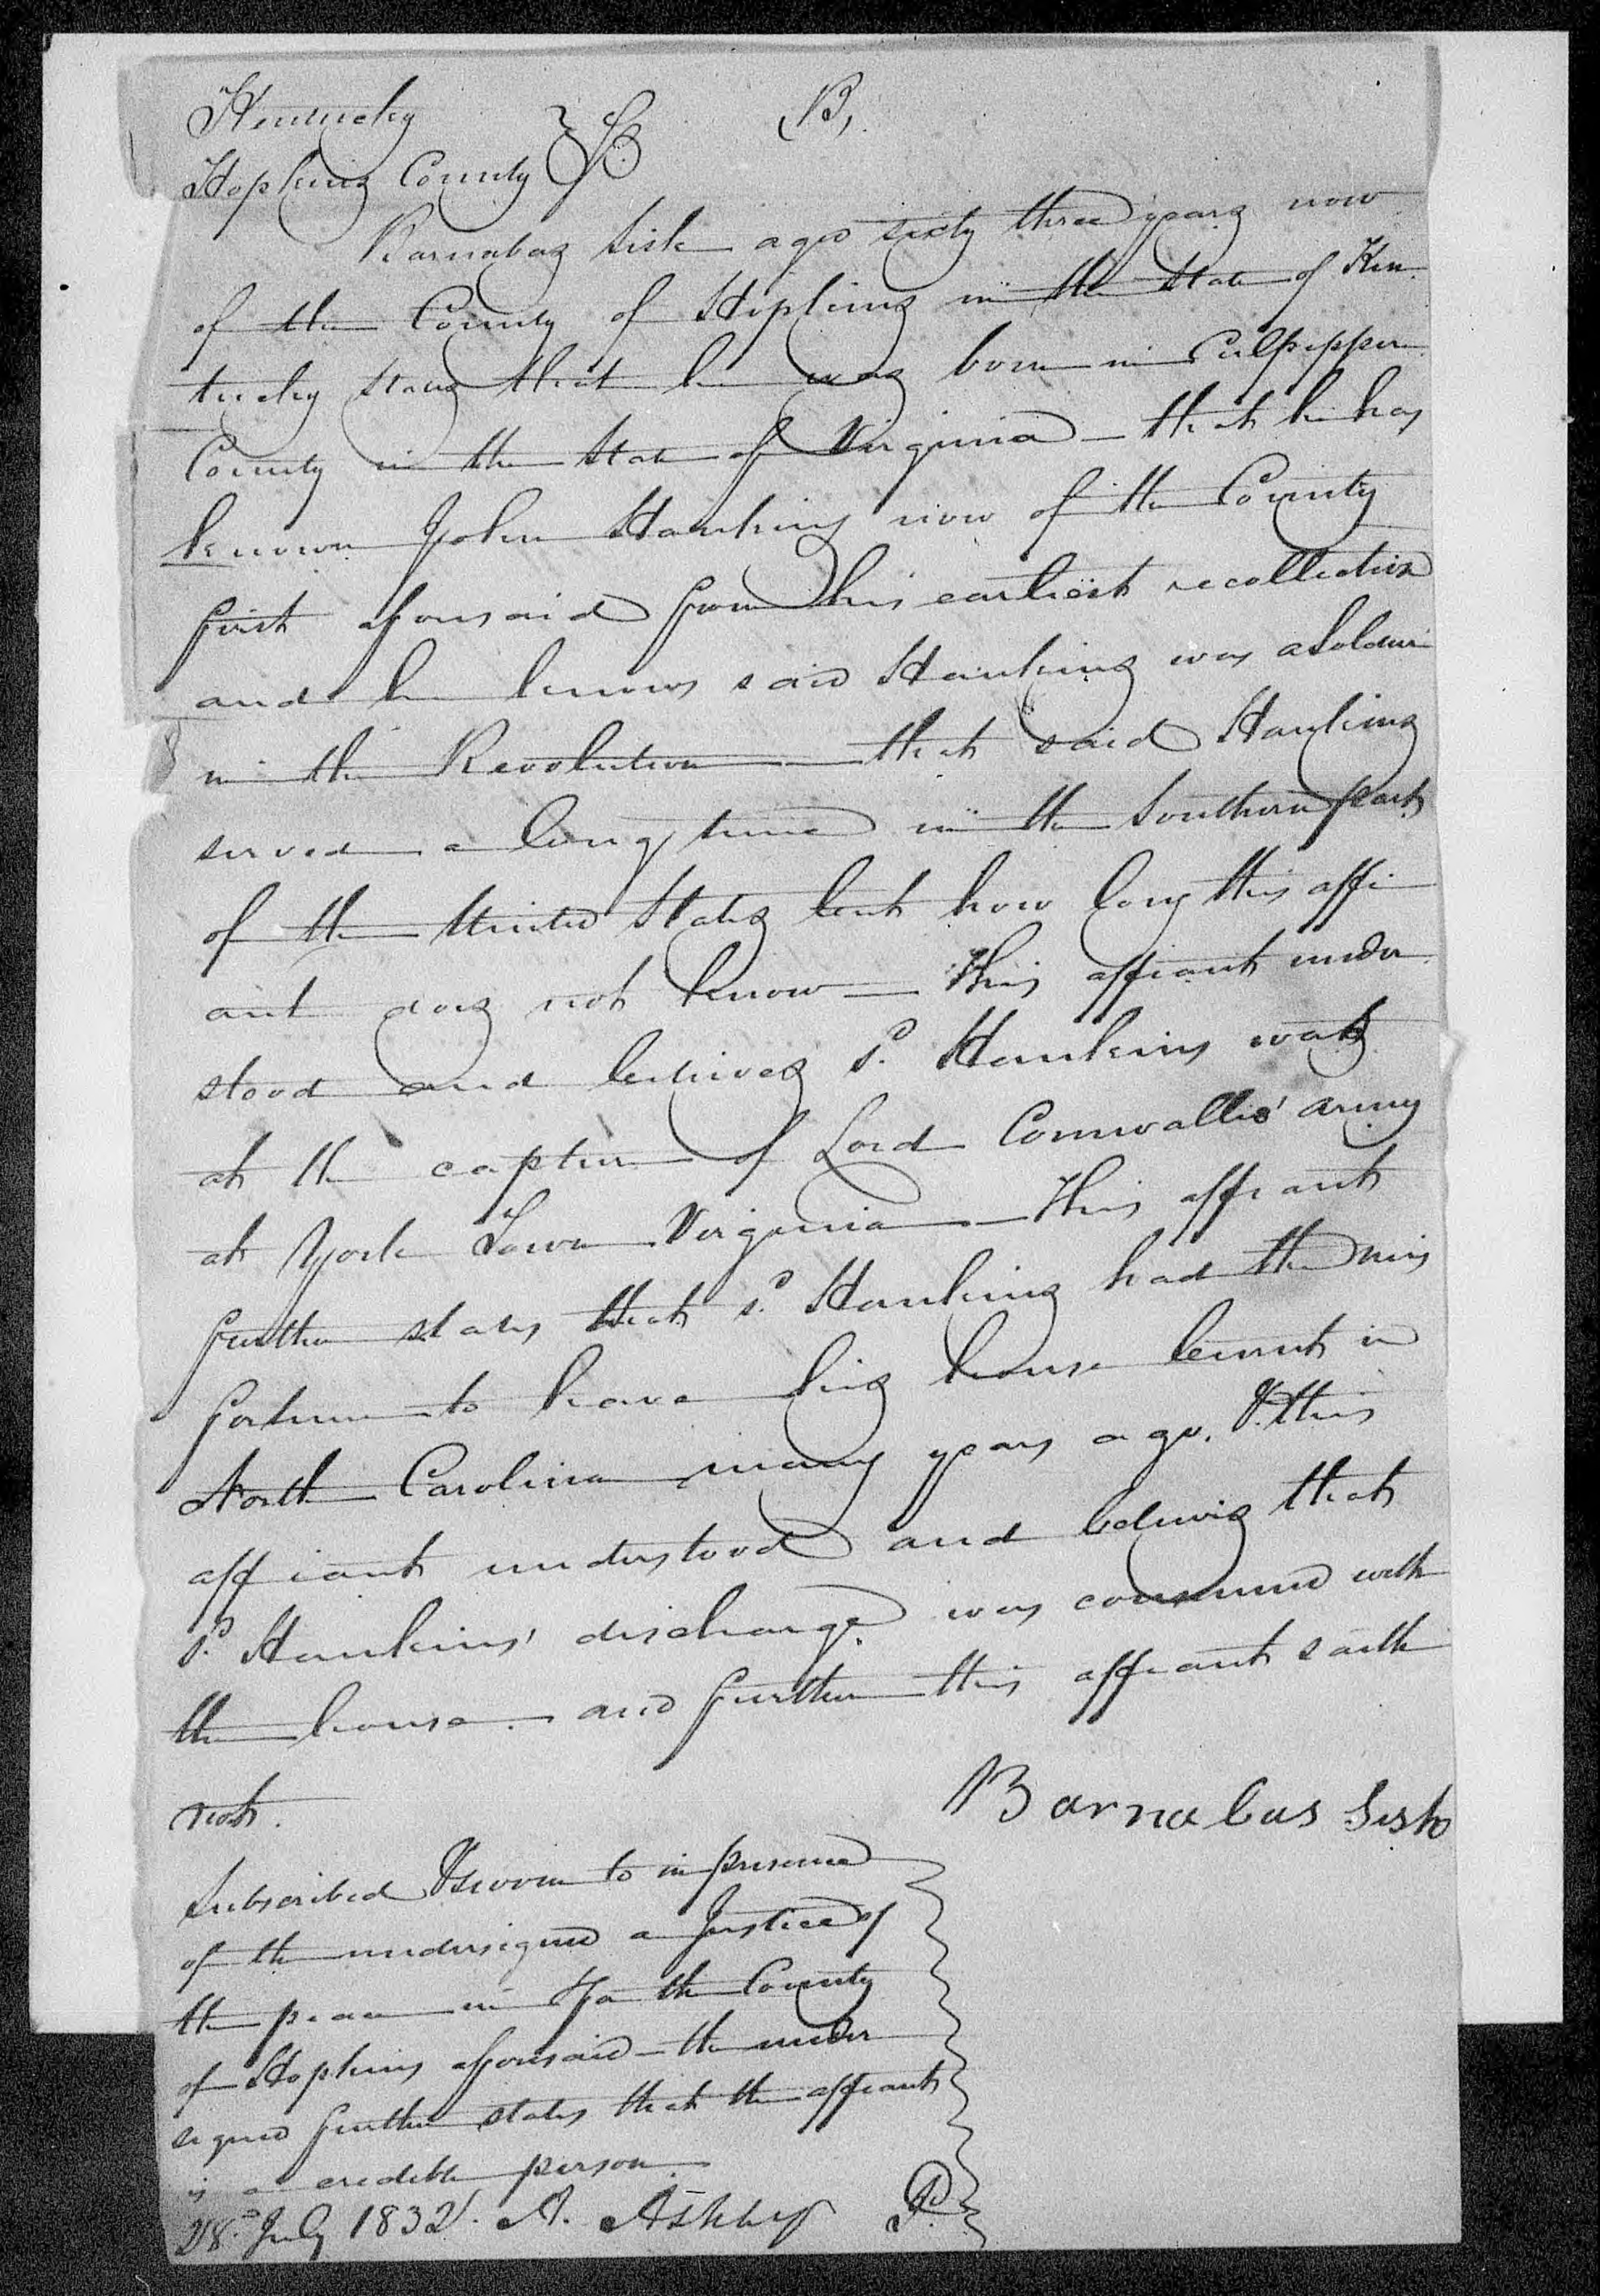Kentucky
Hopkins County [illegible]
Barnabas Sisk aged sixty three years now of the County of Hopkins in the State of Kentucky stating that he was born in Culpepper County in the State of Virginia that he has known John Hankins now of the County first aforesaid from his earliest recollection and he knows said Hankins was a Soldier in the Revolution that said Hankins served a long time in the Southern part of the United States but how long this affiant does not know this affiant understood and believes J. Hankins was at the captain of Lord Cornwallis' army at York Town Virginia This affiant further states that Hankins had the [illegible] in North Carolina many years ago. This affiant understood and believes that J. Hankins' discharge was [illegible] with the [illegible] and further this affiant saith not
Barnabas Sisk

Subscribed [illegible] to in presence of the undersigned a Justice of the peace in the County of Hopkins aforesaid the undersigned further states that the affiant is a credible person.
28. July 1832 A. Ashby O.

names: Barnabas Sisk, John Hankins, Hankins, Hankins, Hankins, A Ashby, Barnabas Sisk, Lord Cornwallis, Hankins, Hankins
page: 18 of 19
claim: survivor's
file: S. 16404, John Hankins, Va.